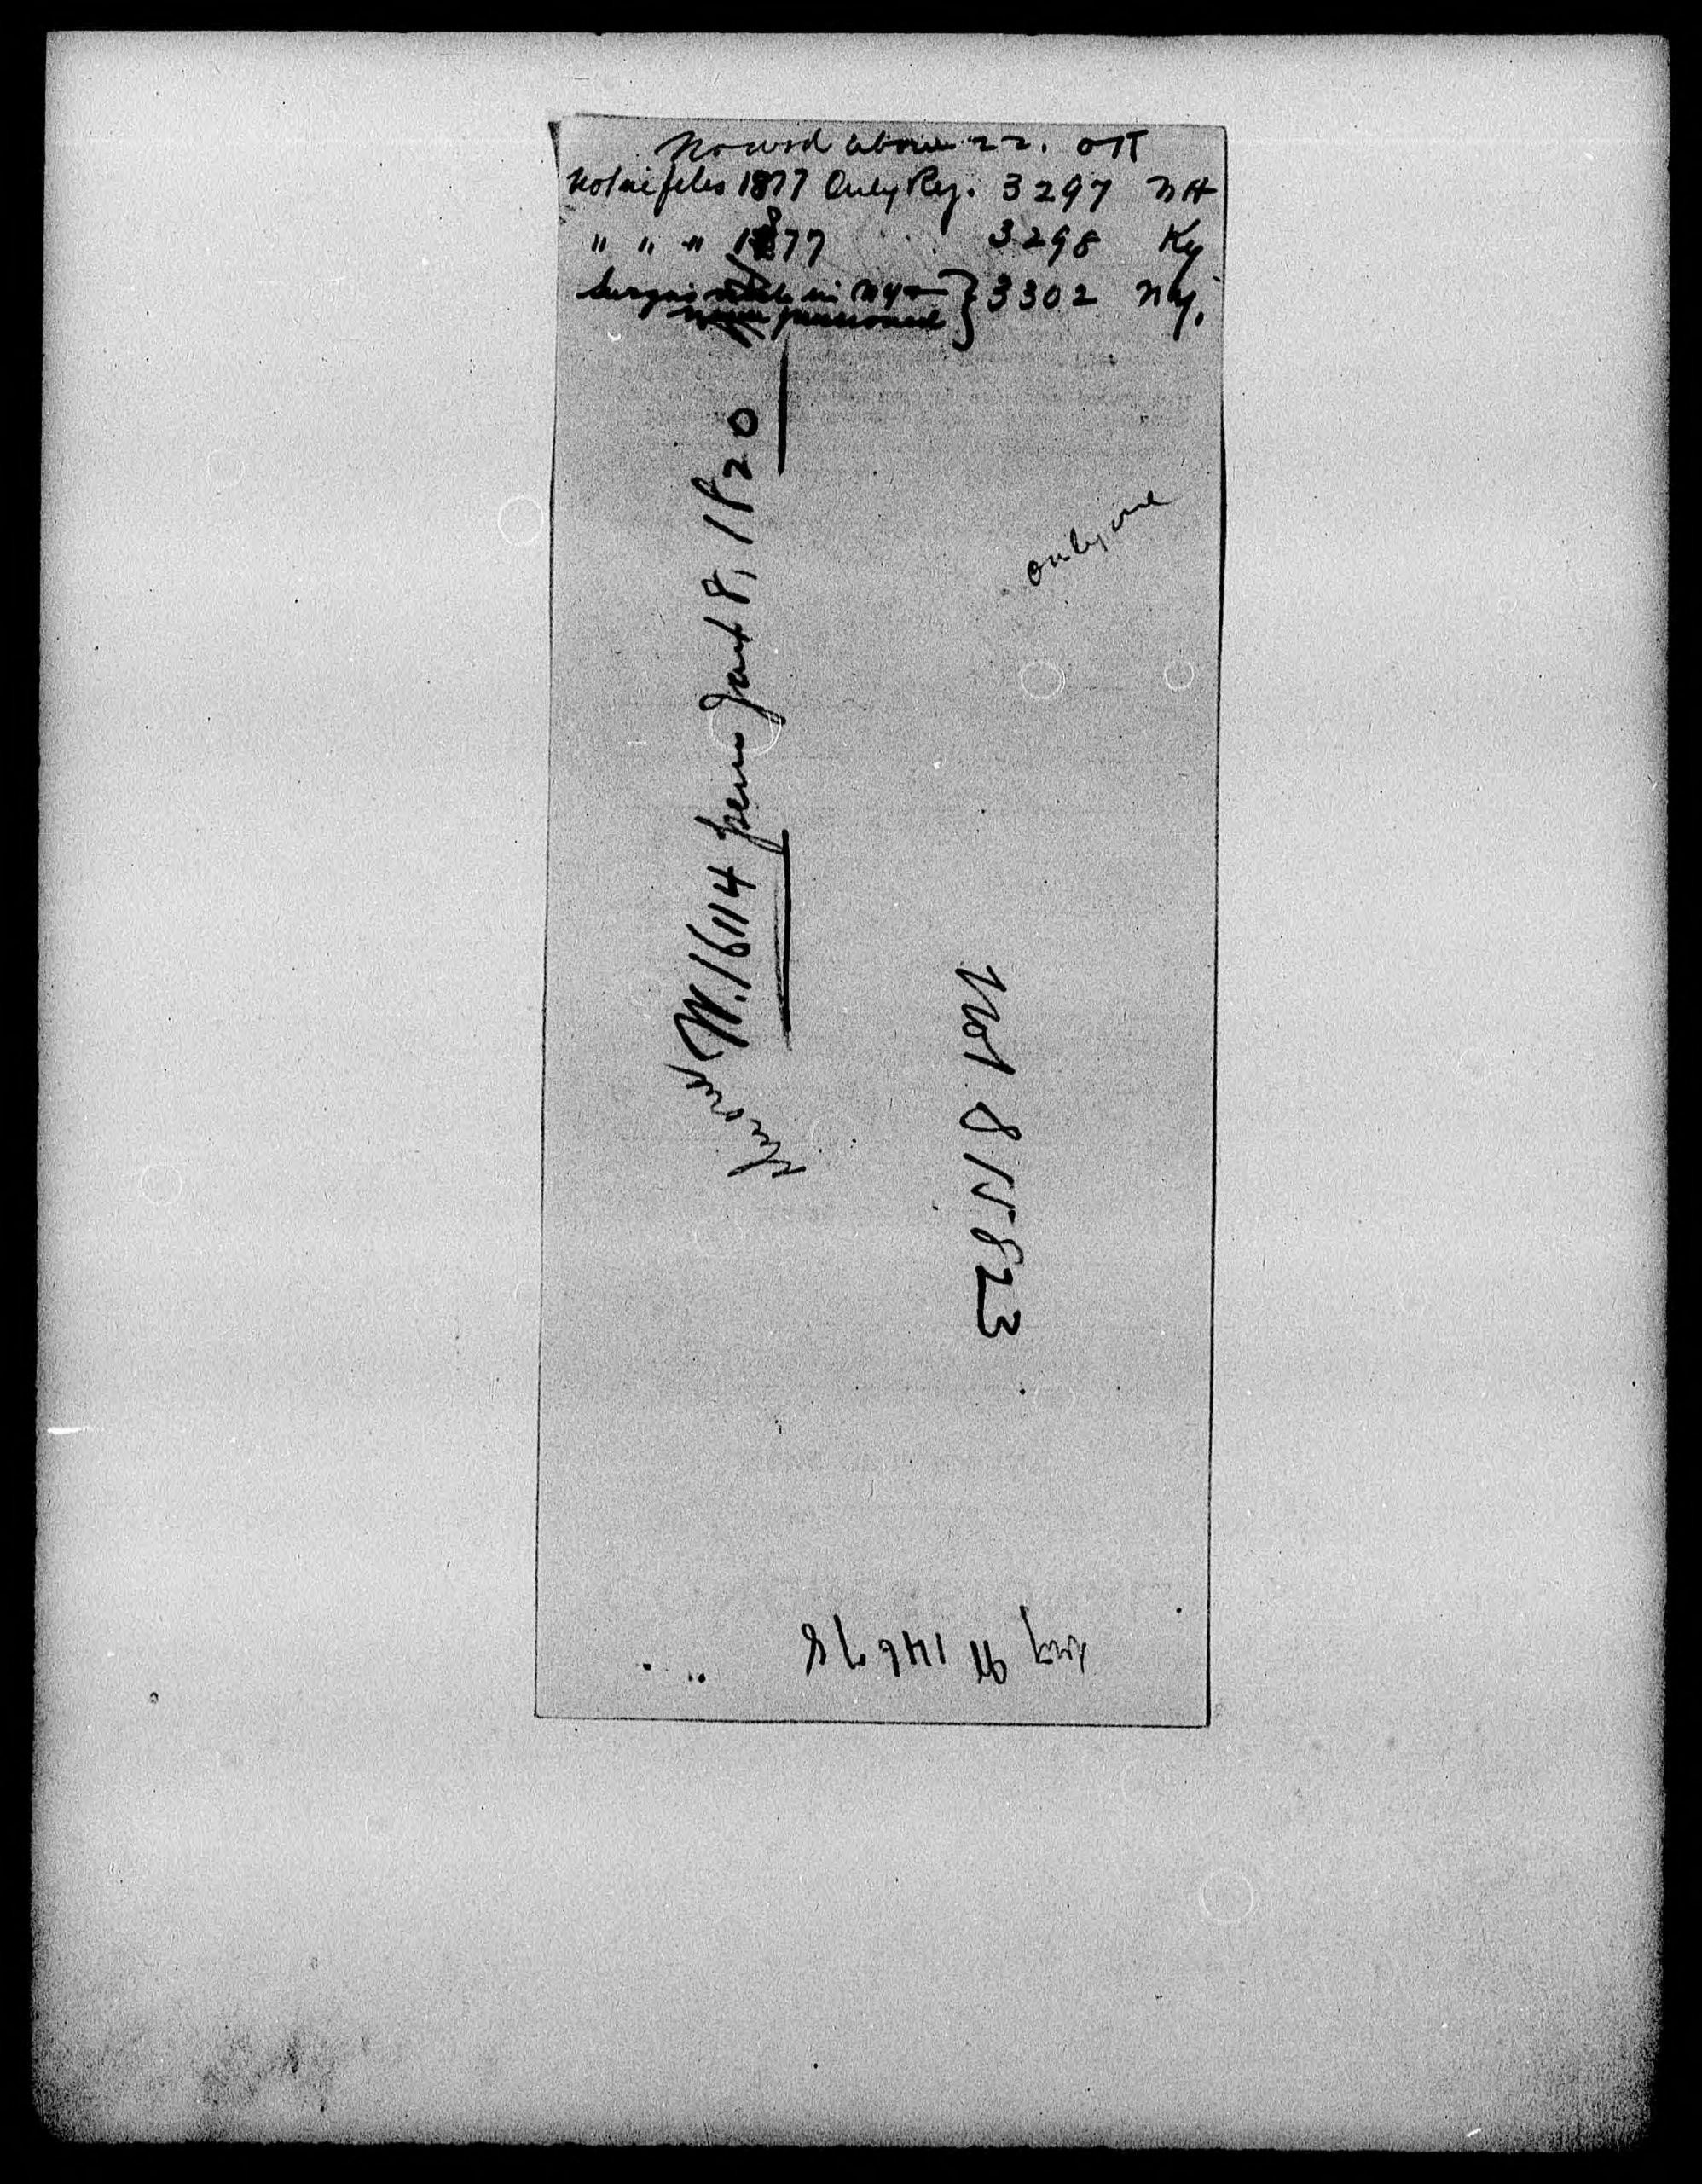[illegible] 22 07T
[illegible] 1877  Duly Ry 3297 NH
" " " 1877 " " 3298 Ky
[illegible] 3302  NY
W. 16114 per Jan 8, 1820
NOI S 15823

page: 23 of 57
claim: widow's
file: W. 16,114, John Elliot, Continental (Mass) N.H.